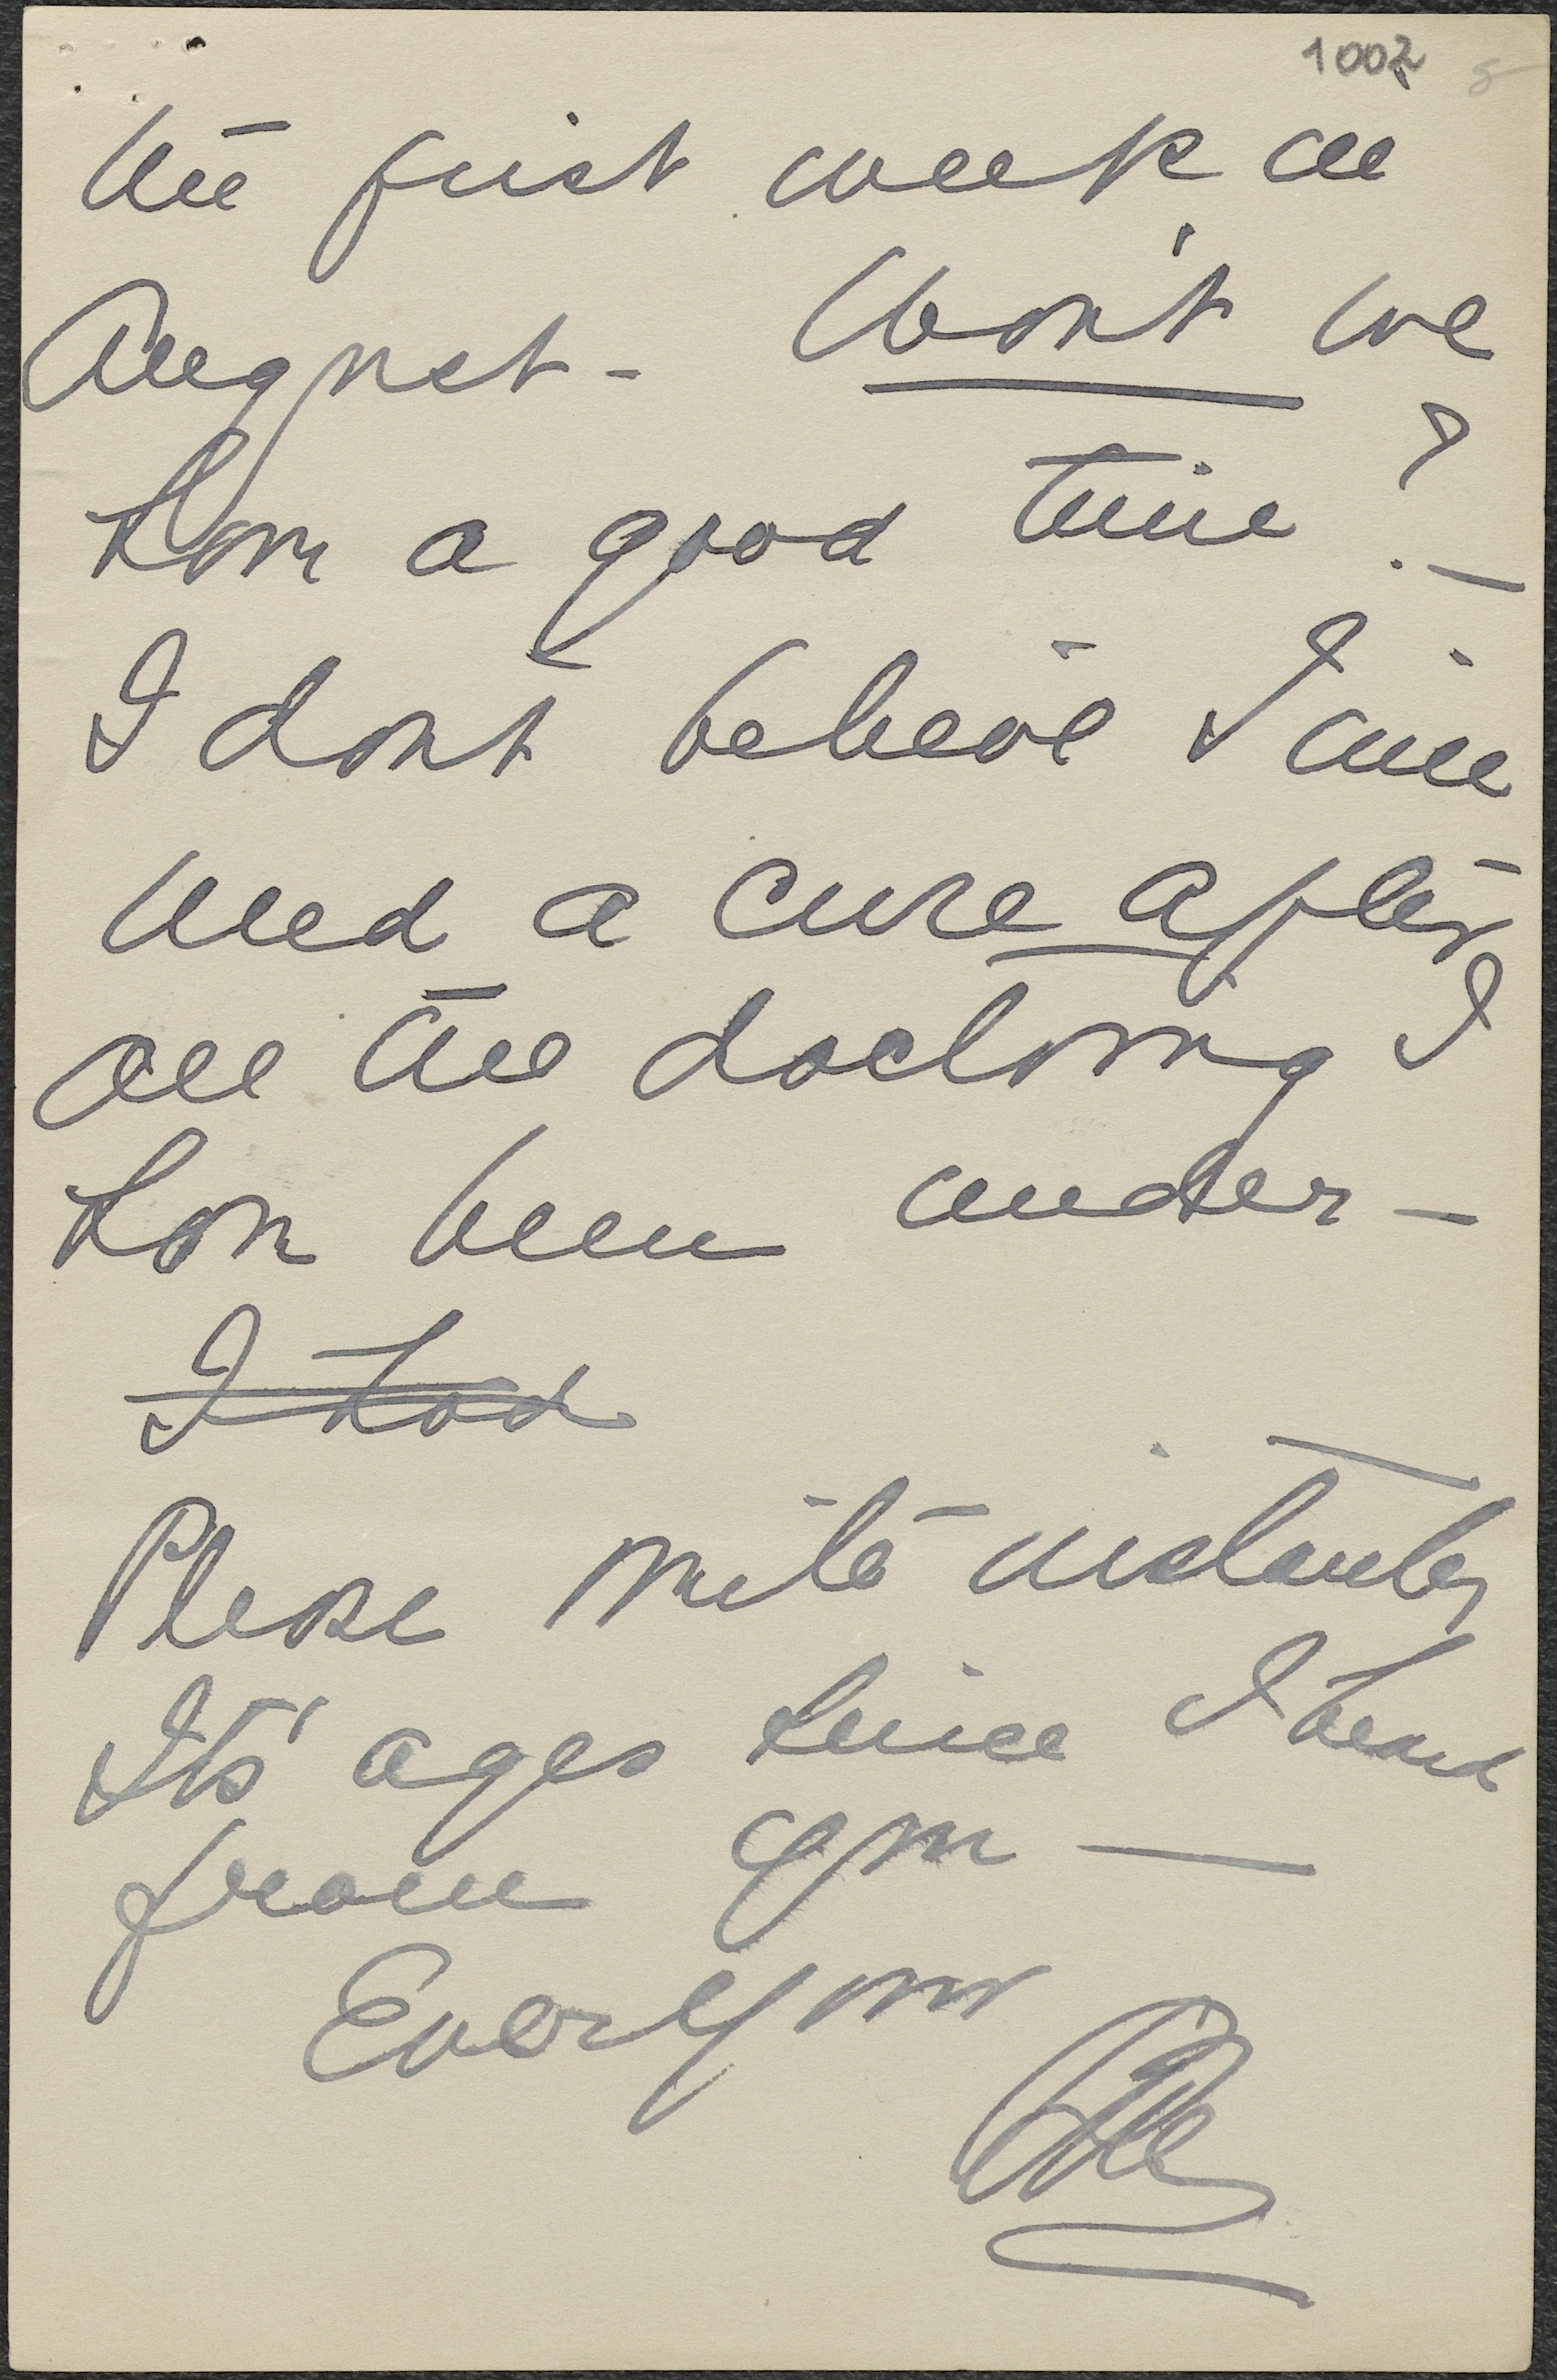the first week in August – Won’t we have a good time? – I don’t believe I will need a cure after all the doctoring I have been under –
I had
Please write instantly It’s ages since I heard from you –
Ever your
Belle